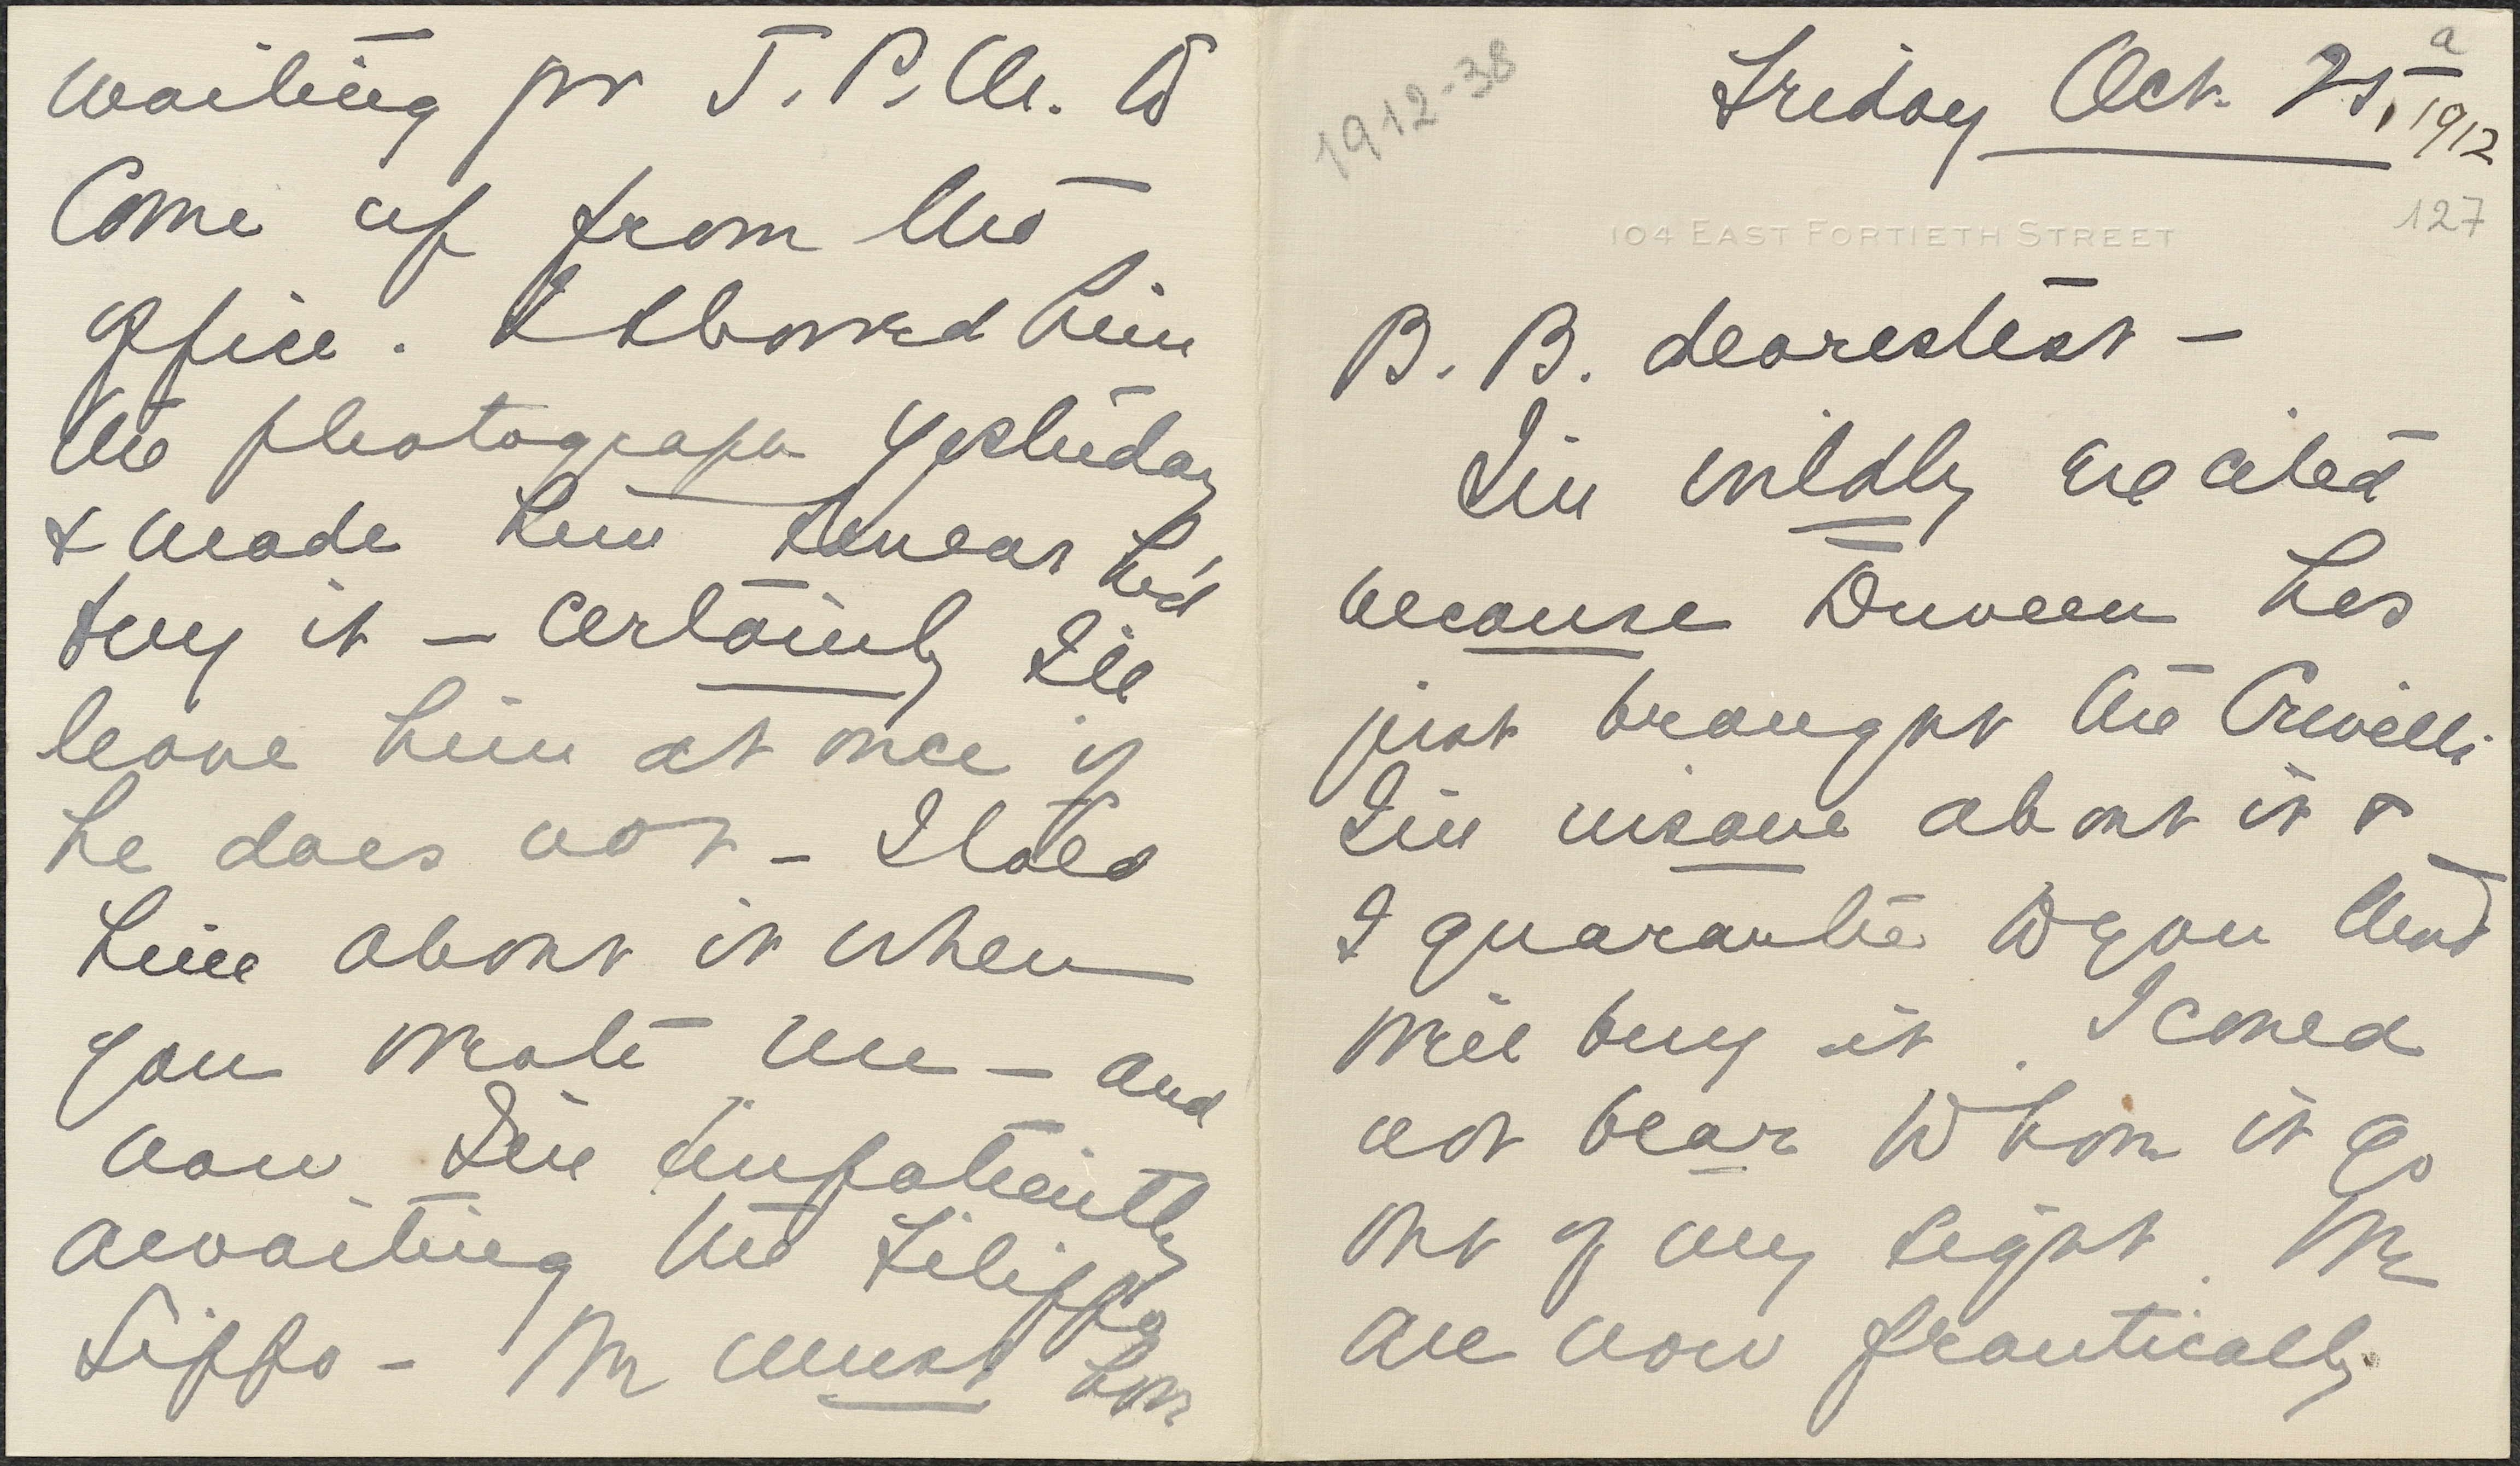Friday, Oct. 25
B. B. Dearestest –
I’m [double underlined: wildly] excited because Duveen has just brought the Crivelli I’m insane about it & I guarantee to you that we’ll buy it. I could not bear to have it go out of my sight. We are now frantically
waiting for J. P. M. to come up from the office. I showed him the photograph yesterday & made him swear he’d buy it – certainly I’ll leave him at once if he does not – I told him about it when you wrote me – and now I’m impatiently awaiting the Filippo Lippi – we must have